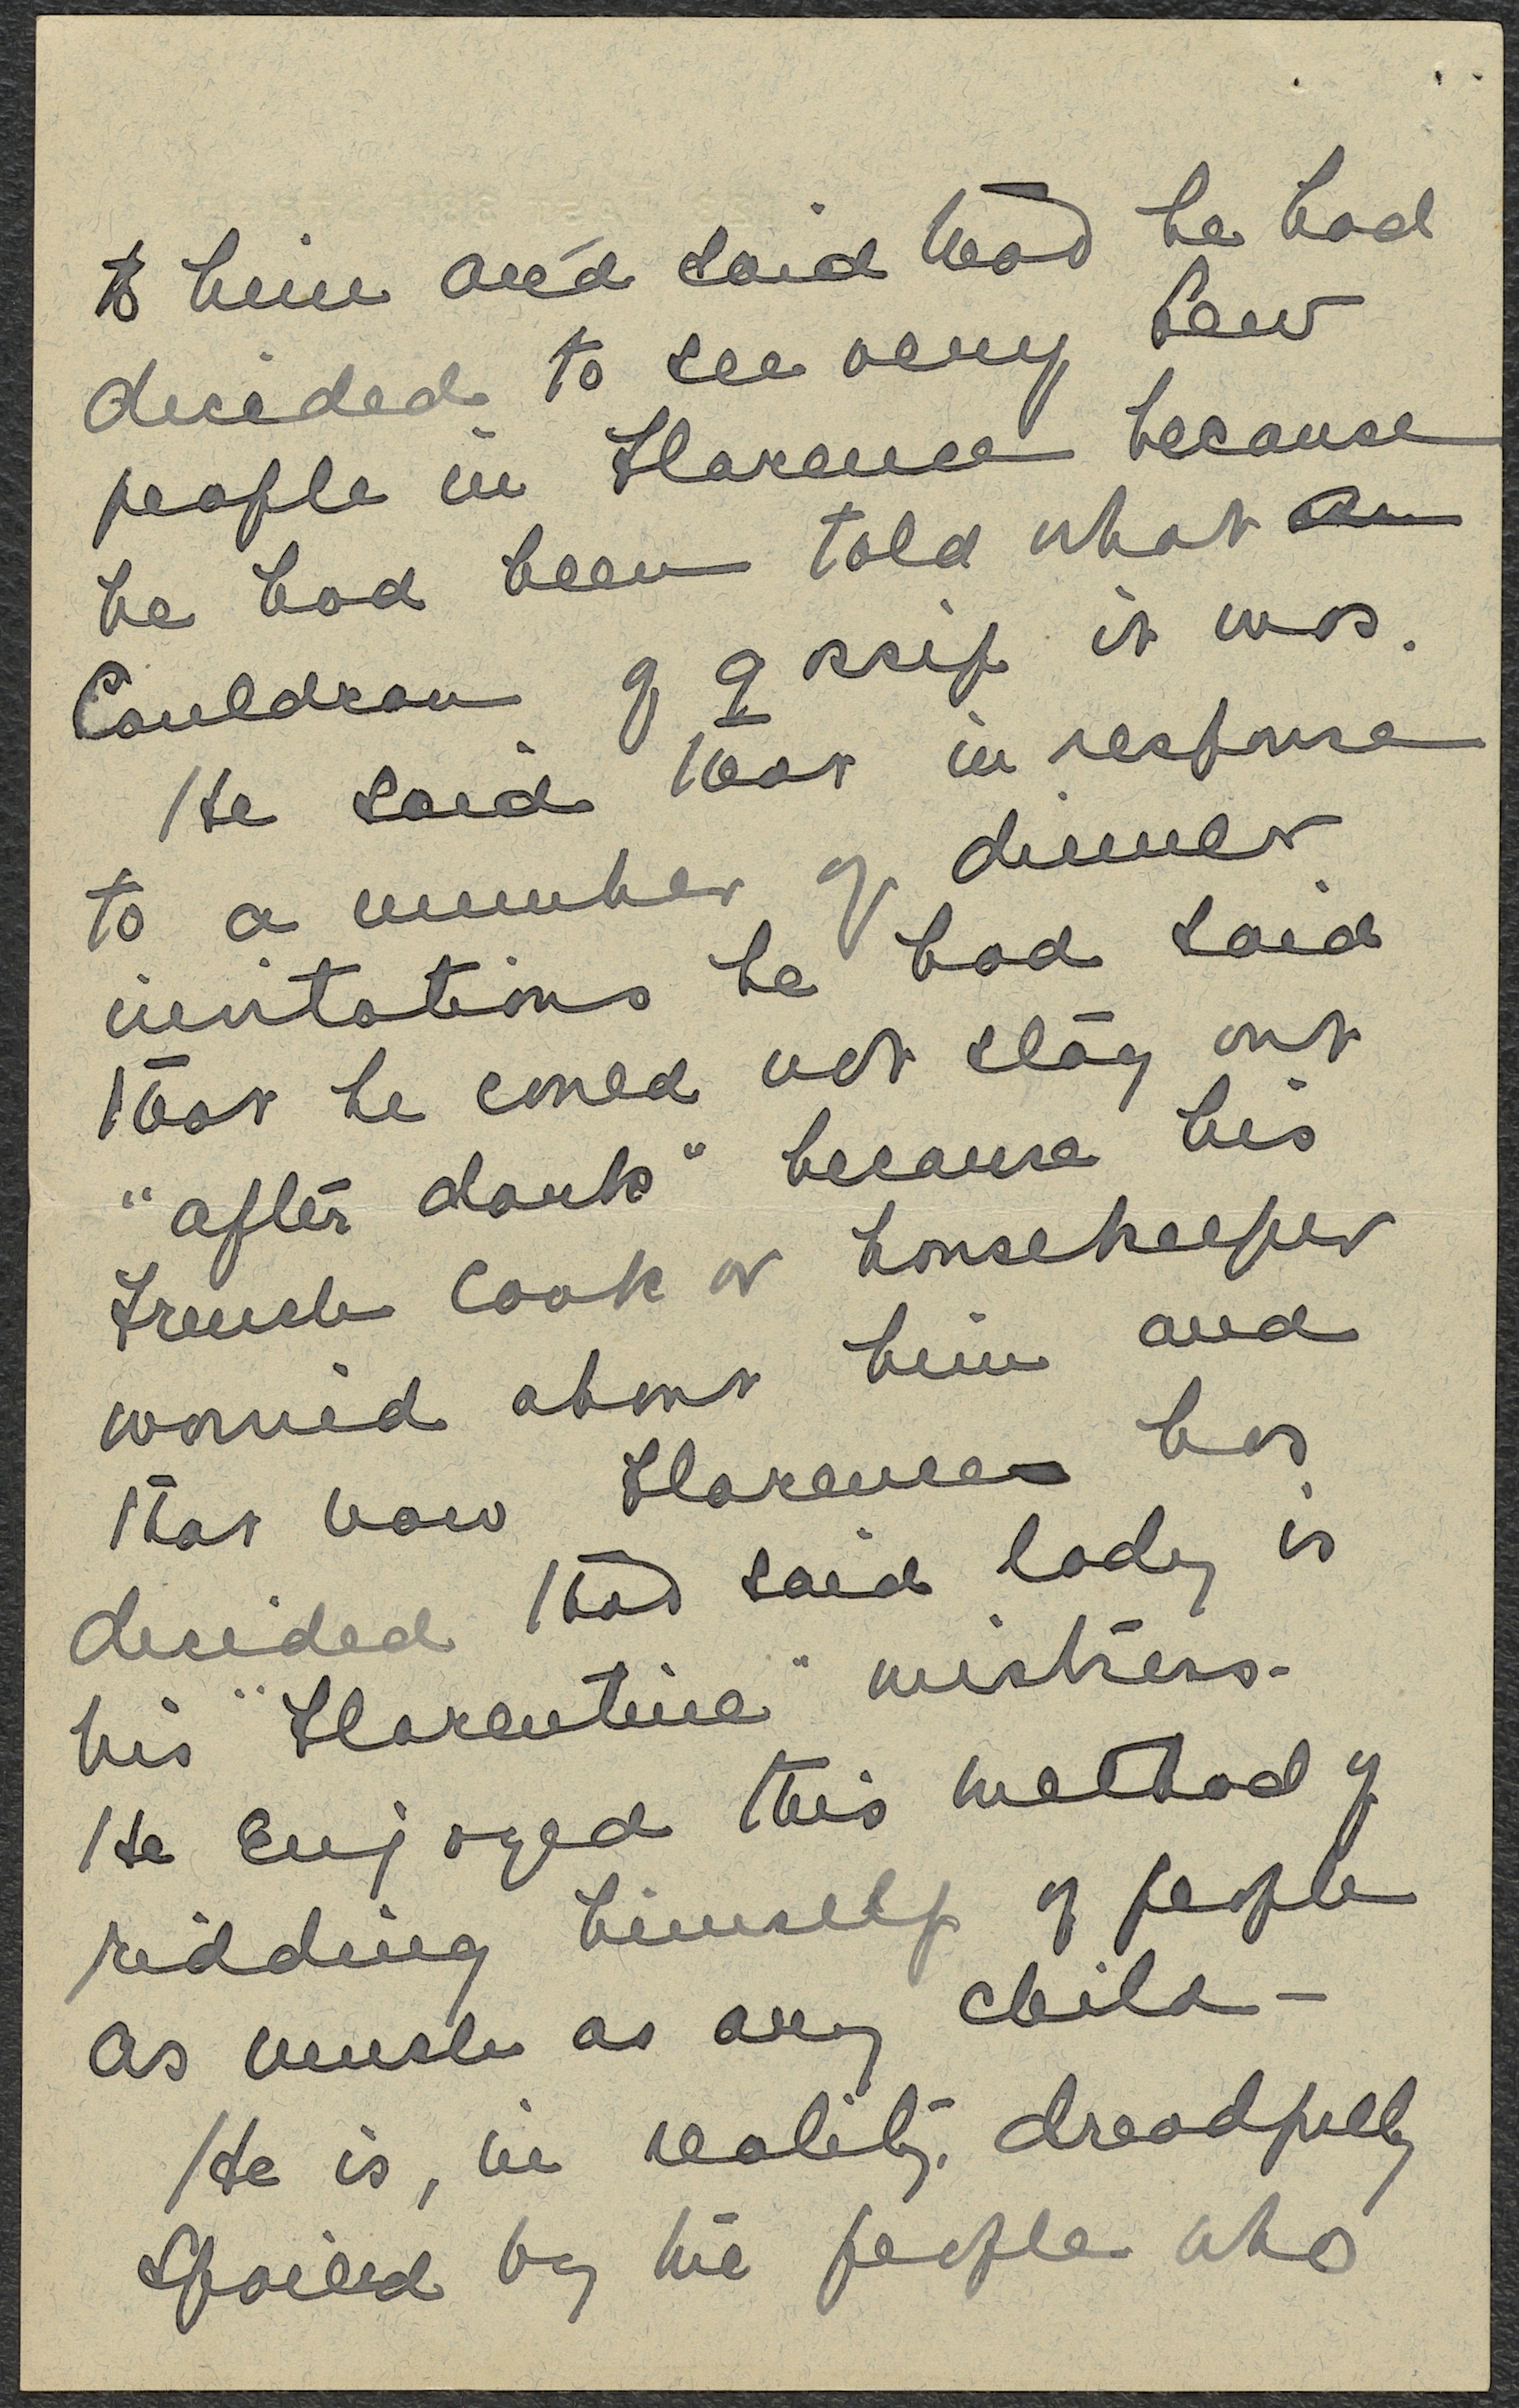to him and said that he had decided to see very few people in Florence because he had been told what a Cauldon of gossip it was.
He said that in response to a number of dinner invitations he had said that he could not stay out “after dark” because his French cook or housekeeper worried about him and that now Florence has decided that said lady is his “Florentine” mistress – He enjoyed this method of ridding himself of people as much as any child –
He is, in reality, dreadfully spoiled by the people who